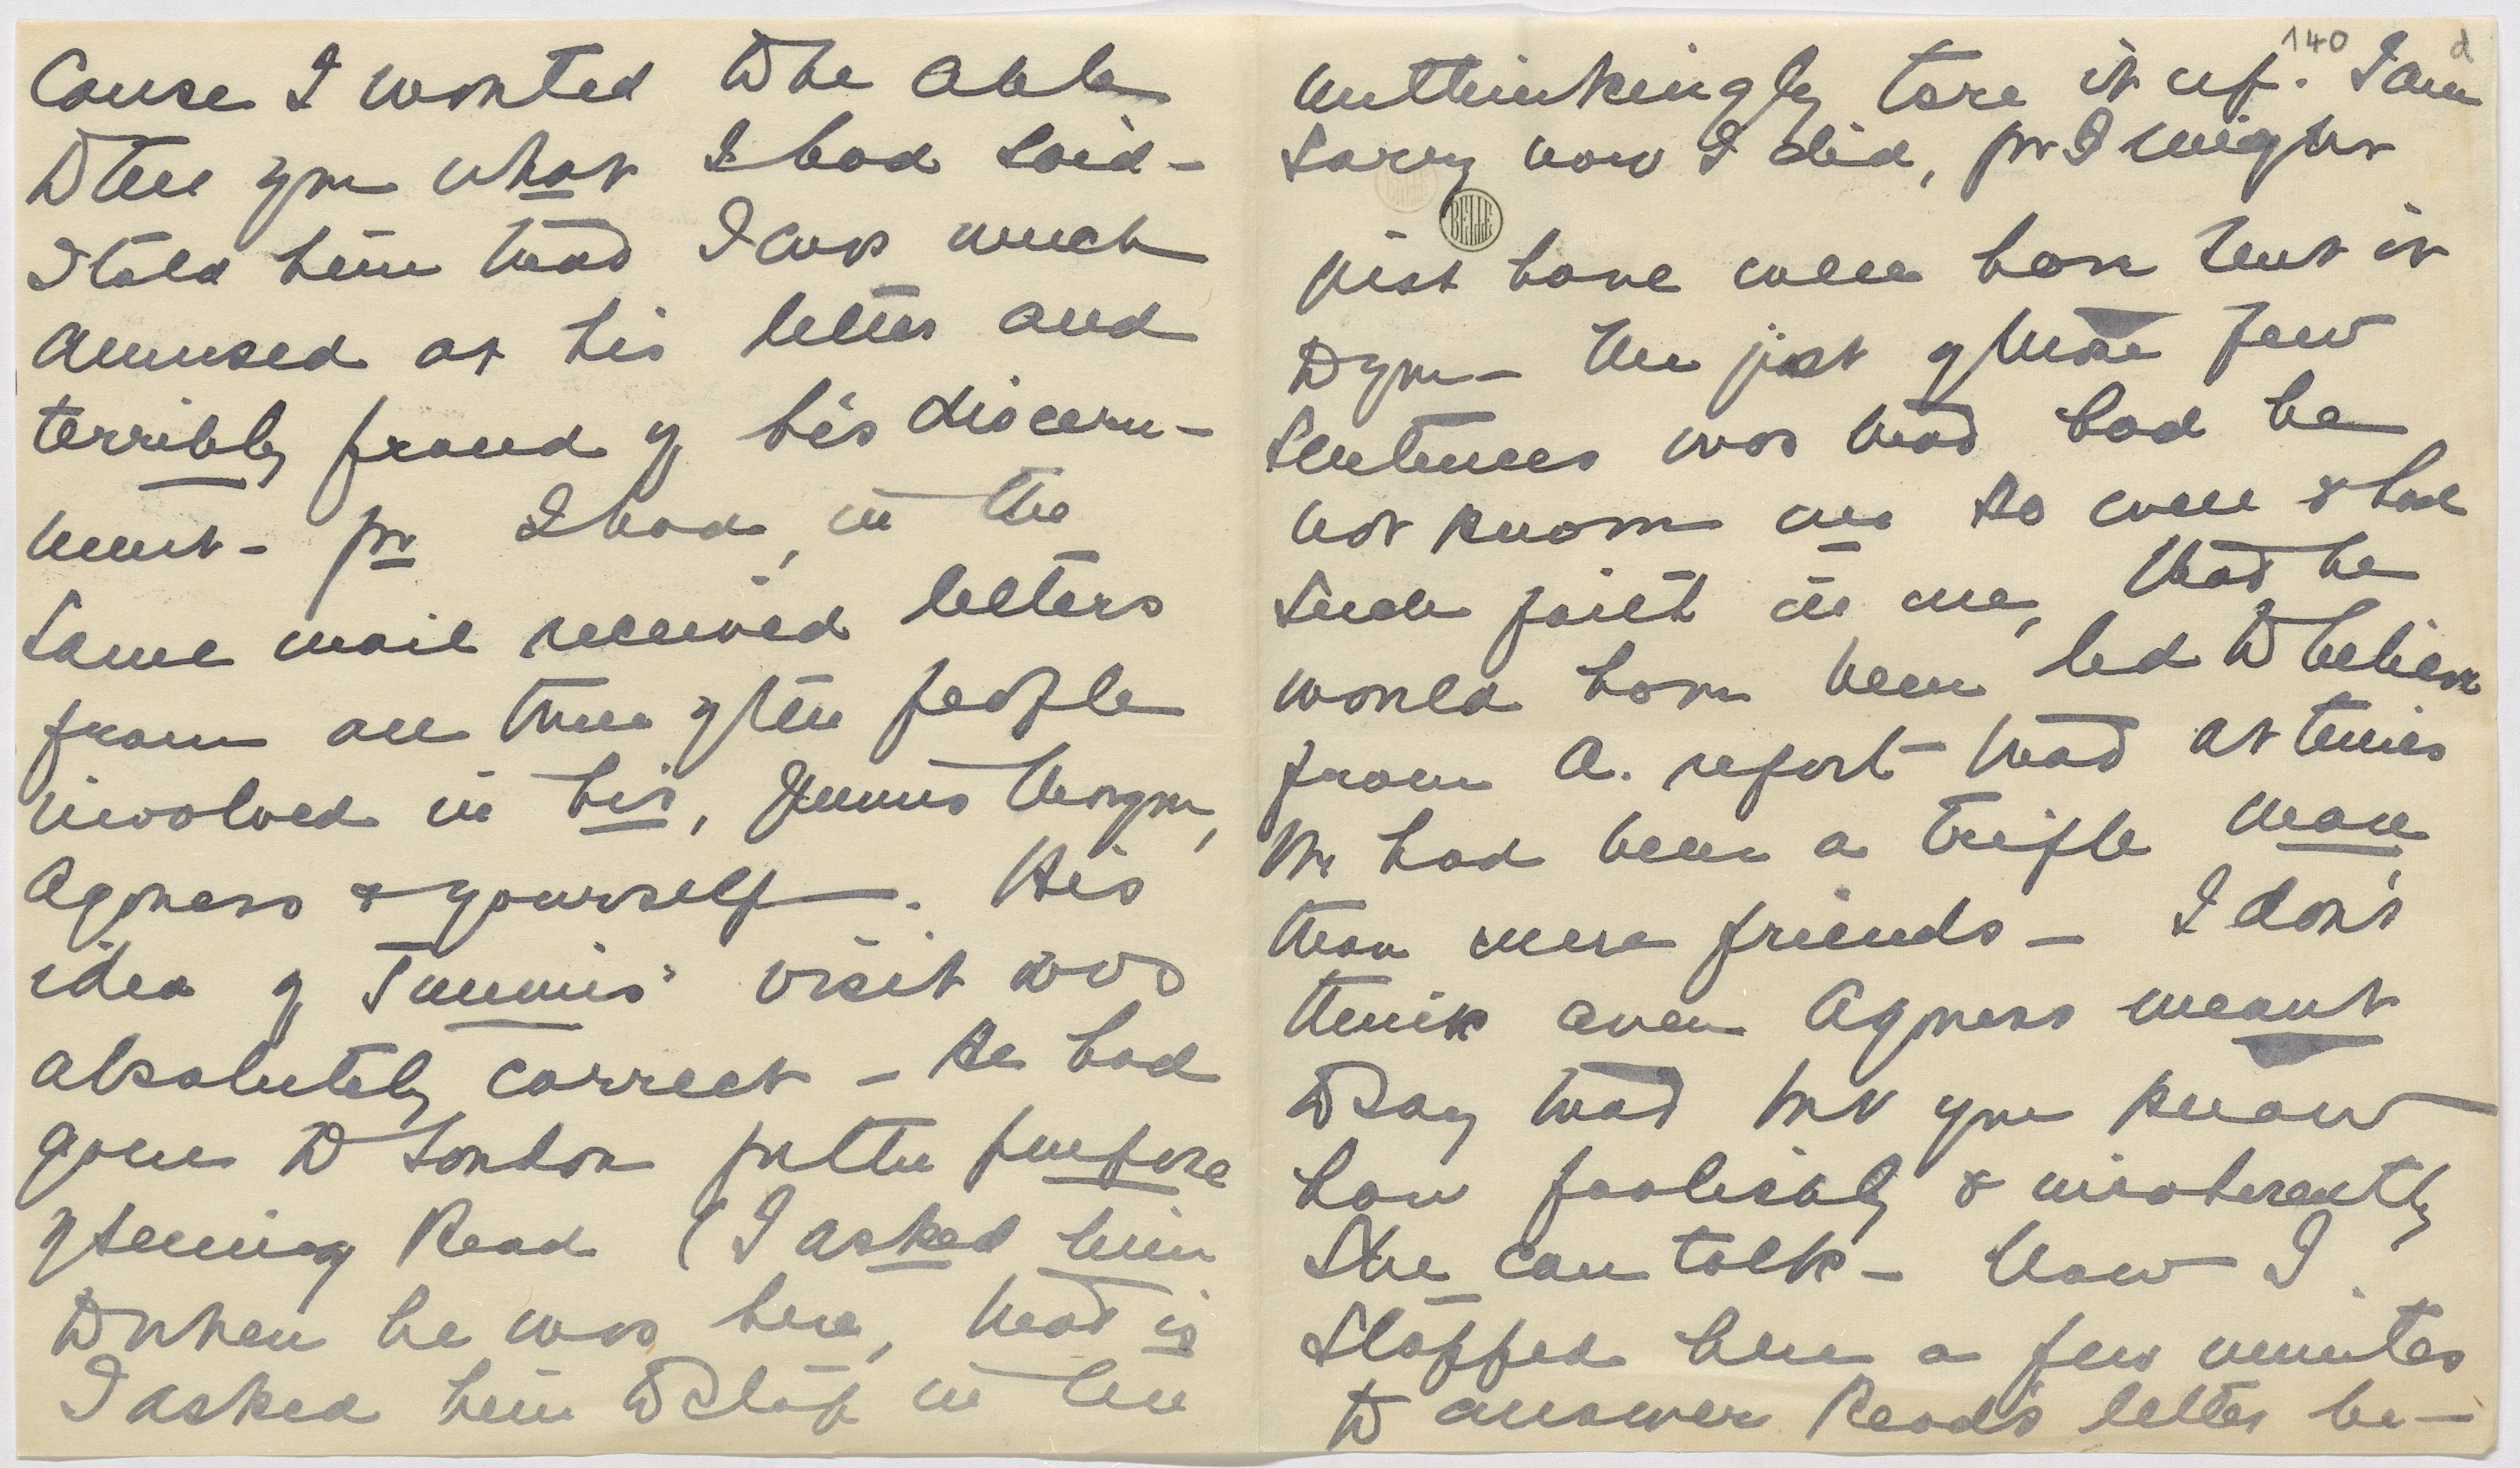unthinkingly tore it up. I am sorry now I did, for I might just have well have sent it to you – the jist of those few sentences was that had he not known me so well & had such faith in me, that he would have been led to believe from A. report that at times we had been a triple man than mere friends – I don’t think even Agoness meant to say that but you know how foolishly & incoherently she can talk – Now I stopped here a few minutes to answer Read’s letter
because I wanted to be able to tell you what I had said – I told him that I was much amused at his letter and terribly proud of his discernment – for I had, in the same mail received letters from all three of the people involved in this, Junius Morgan, Agoness & yourself. His idea of Junius’ visit was absolutely correct – He had gone to London for the purpose of seeing Read (I asked him to when he was here, that is I asked him to stop in the